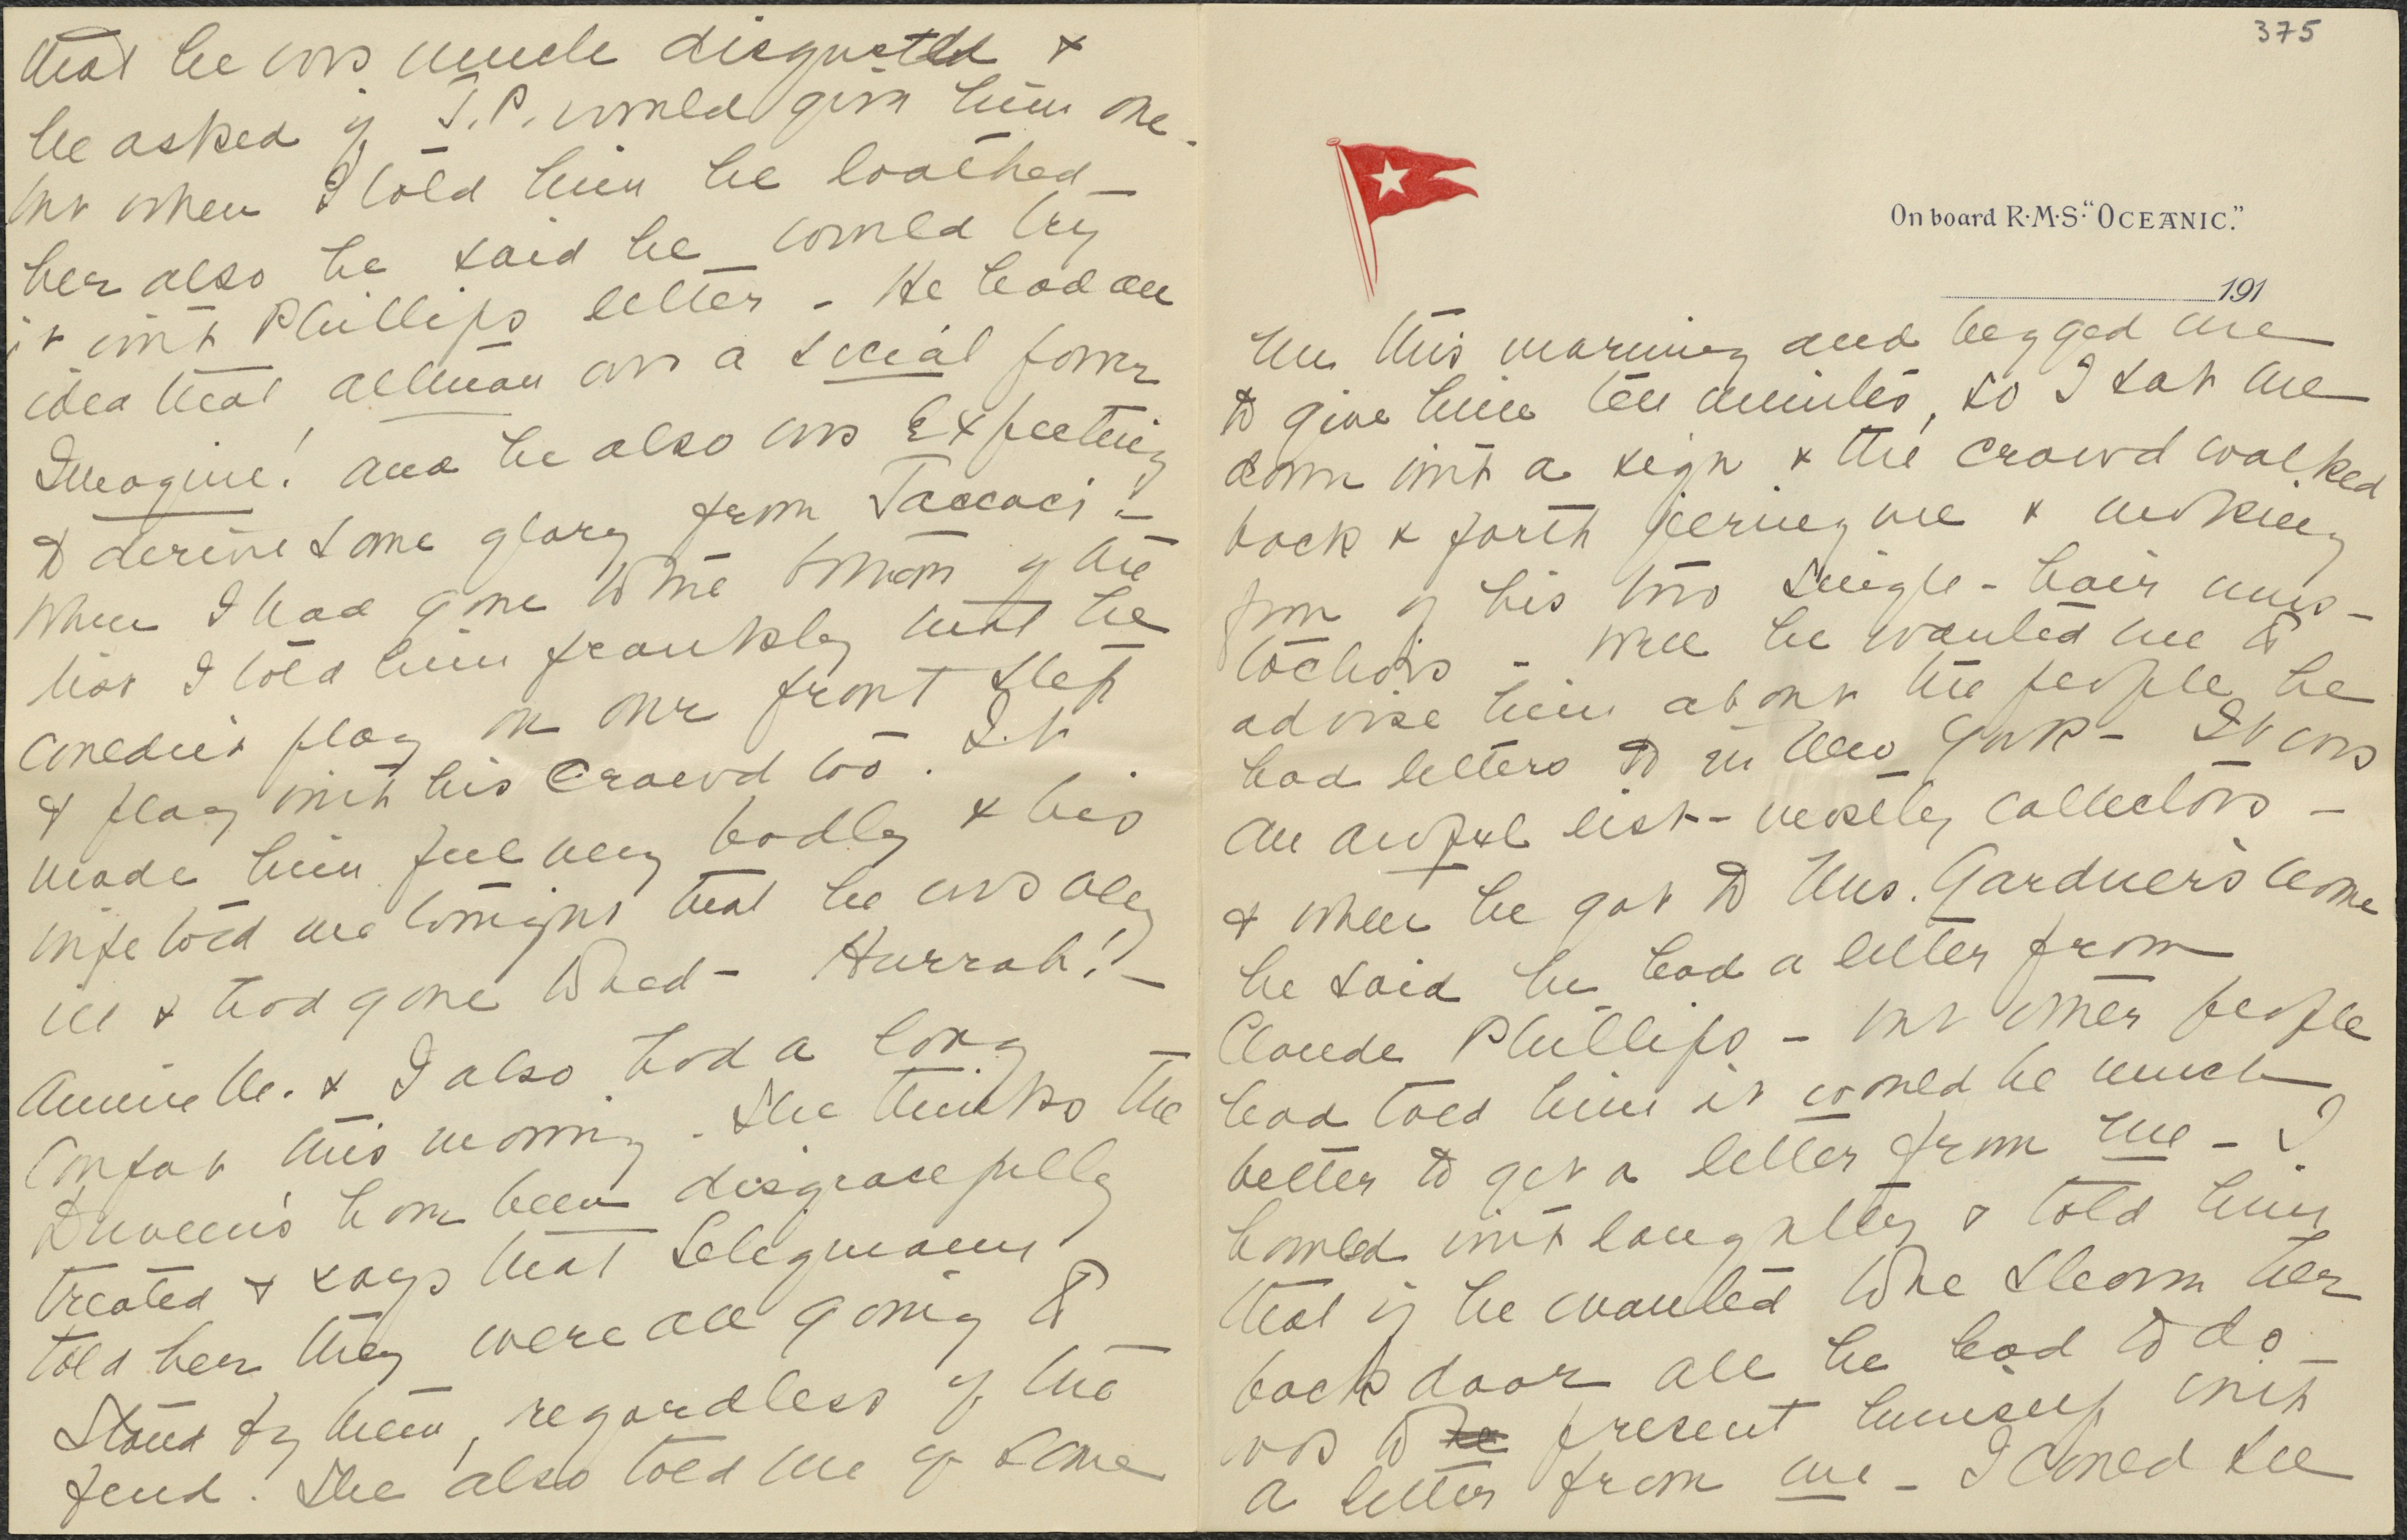me this morning and begged me to give him two minutes, so I sat me down with a sigh & the crowd walked back & forth jeering me & making fun of his two single-hair mustaches – well he wanted me to advise him about the people he had letters to in New York – It was an awful list – mostly collectors – & when he got to Mrs. Gardner’s name he said he had a letter from Claude Phillips – but other people had told him it could be much better to get a letter from me – I howled with laughter & told him that if he wanted to be shown her back door all he had to do was to be present himself with a letter from me – I could see
that he was much disgusted & he asked if J. P. would give him one. but when I told him he loathed her also he said he could try it with Phillips letter – He had an idea that Altman was a social power Imagine! and he also was expecting to derive some glory from Jaccaci! – When I had gone to the bottom of the list I told him frankly that he couldn’t play on our front step & play with his crowd too. It made him feel very badly & his wife told me tonight that he was very ill & had gone to bed – Hurrah! – Annie M. & I also had a long confab this morning. She thinks the Duveen’s have been disgracefully treated & says that Seligmann told her they were all going to stand by them, regardless of the feud. She also told me of some